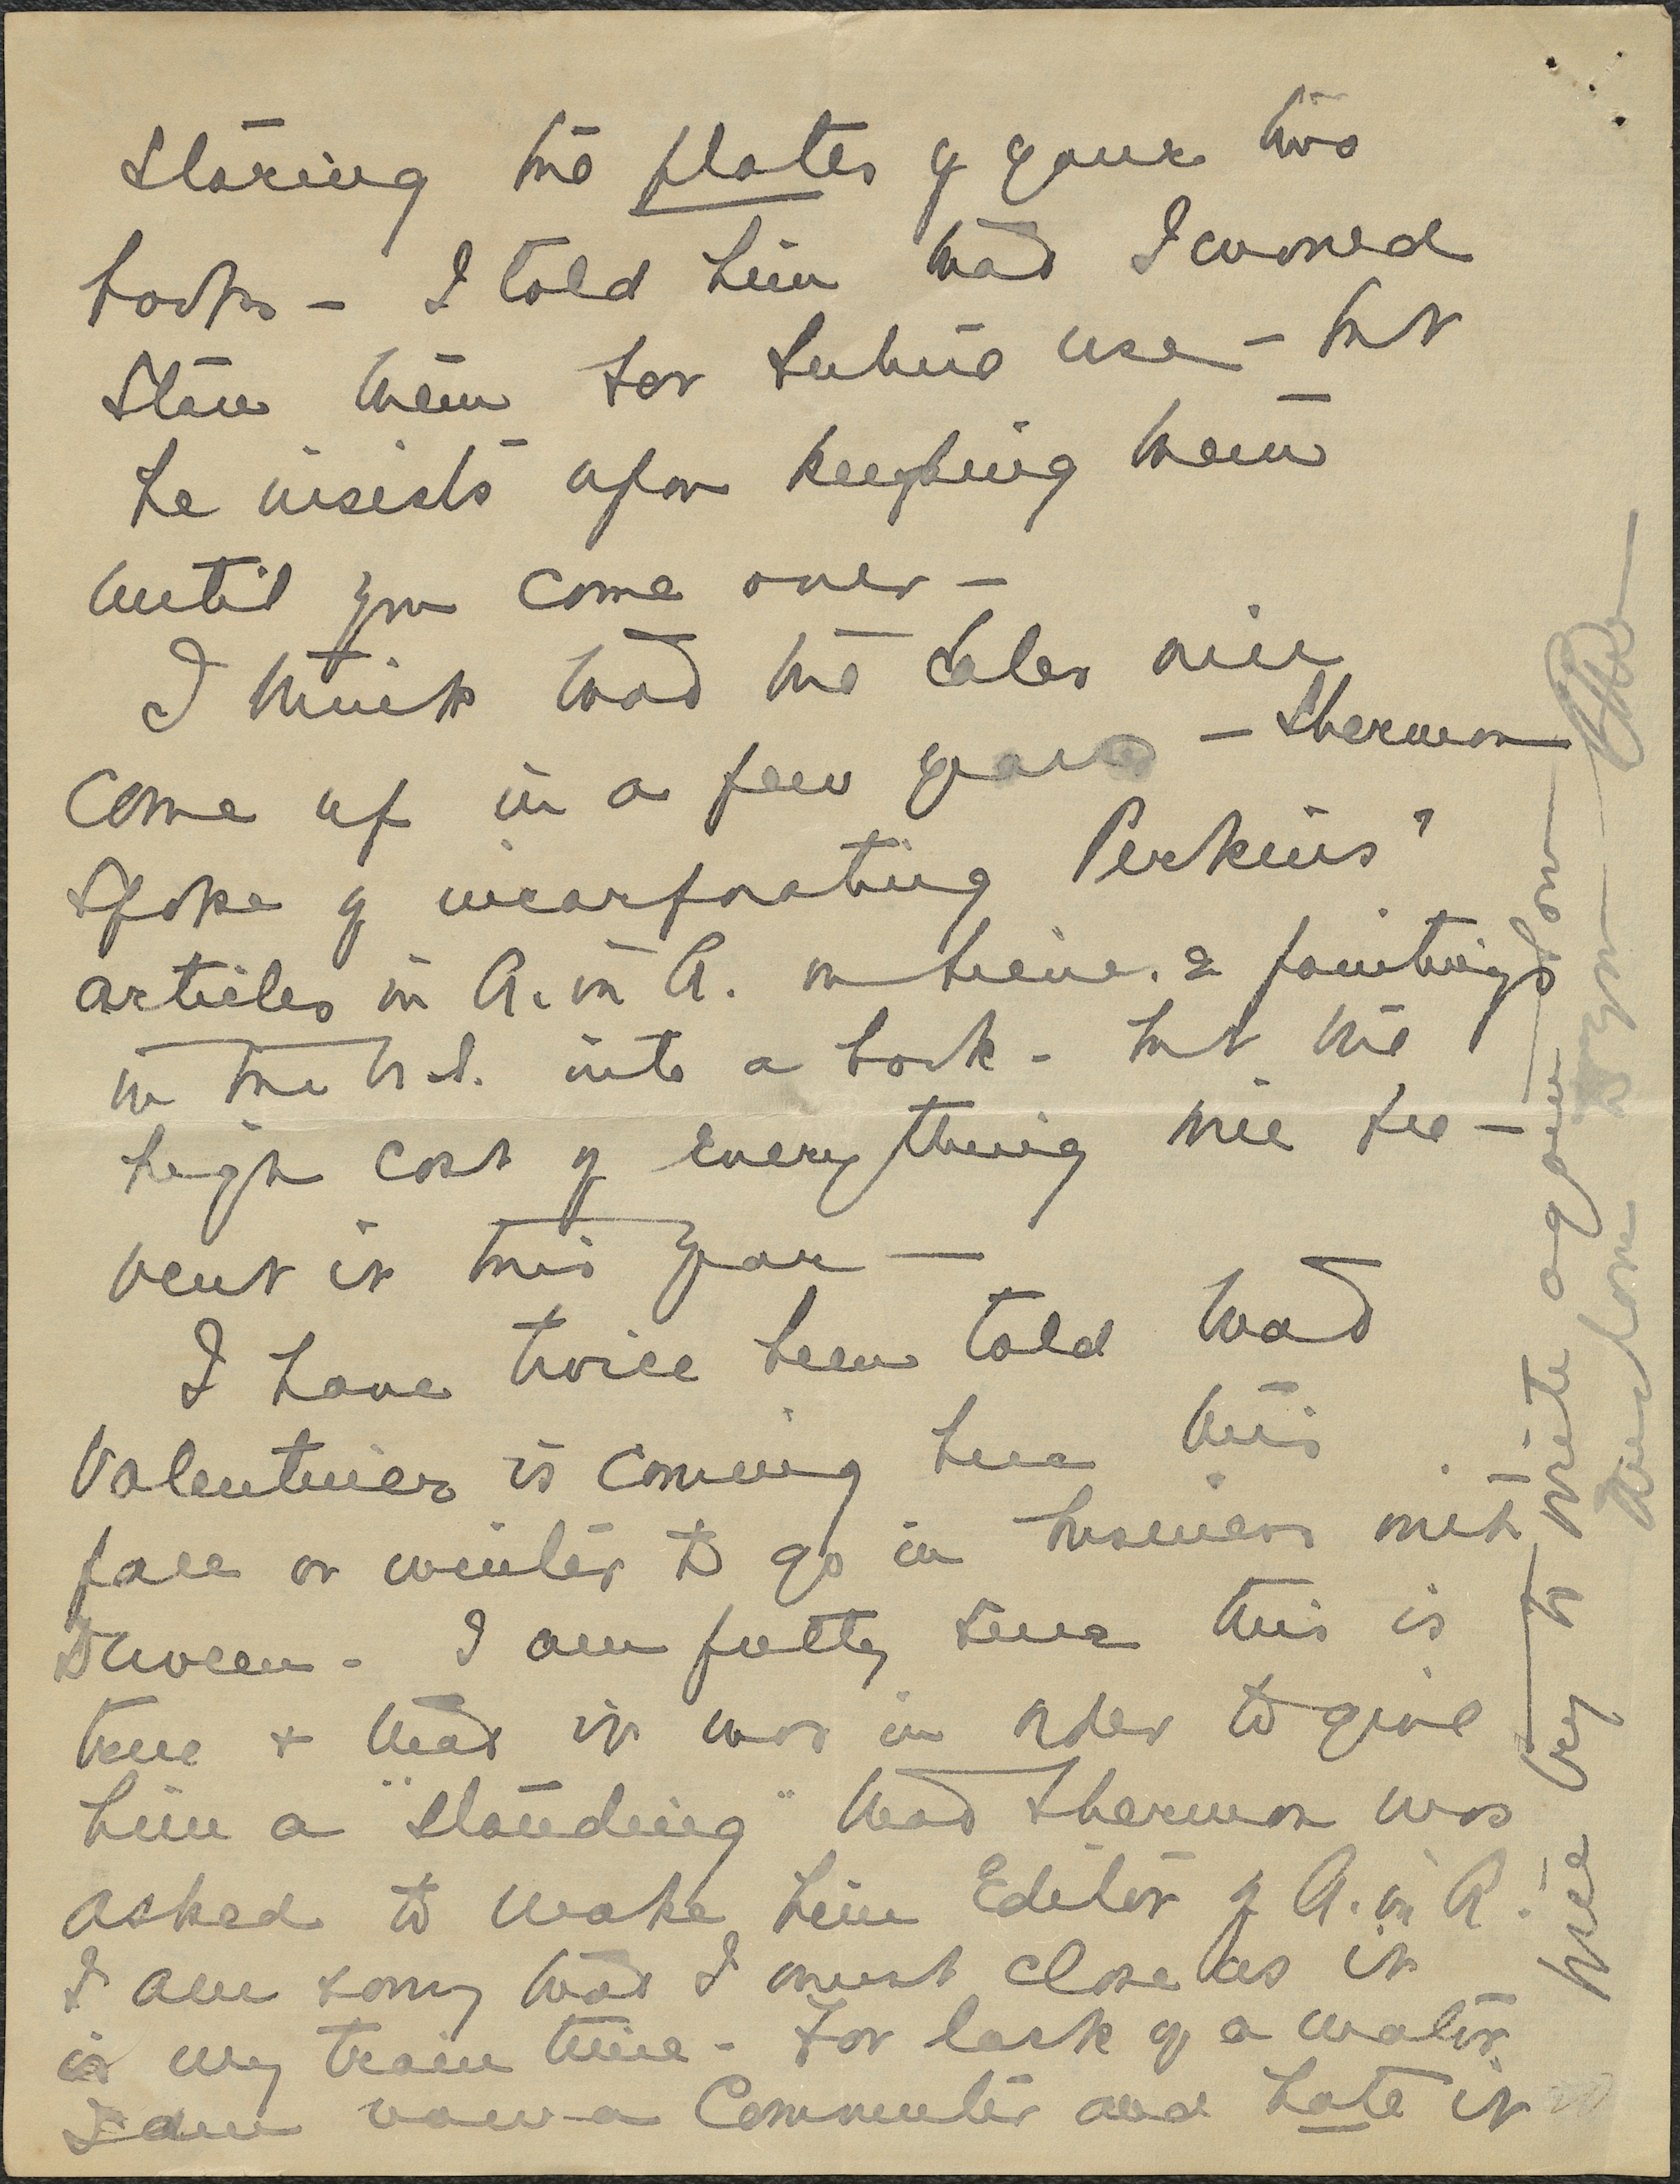storing the plates of your two books – I told that I would store them for future use – but he insists upon keeping them until you come over –
I think that the sales will come up in a few years – Sherman spoke of incorporating Perkins articles in A. in A. on Sienese paintings in the U.S. into a book – but the high cost of everything will prevent it this year –
I have twice been told that Valentiner is coming here this fall or winter to go in business with Duveen. I am pretty sure this is true & that its not in order to give him a "standing" that Sherman was asked to make him Editor of A. in A. I am sorry that I must close as it is my train time – For lack of a motor, I am now a Commuter and hate it
[up the right margin of the page: Will try to write again some
With love to you Belle]